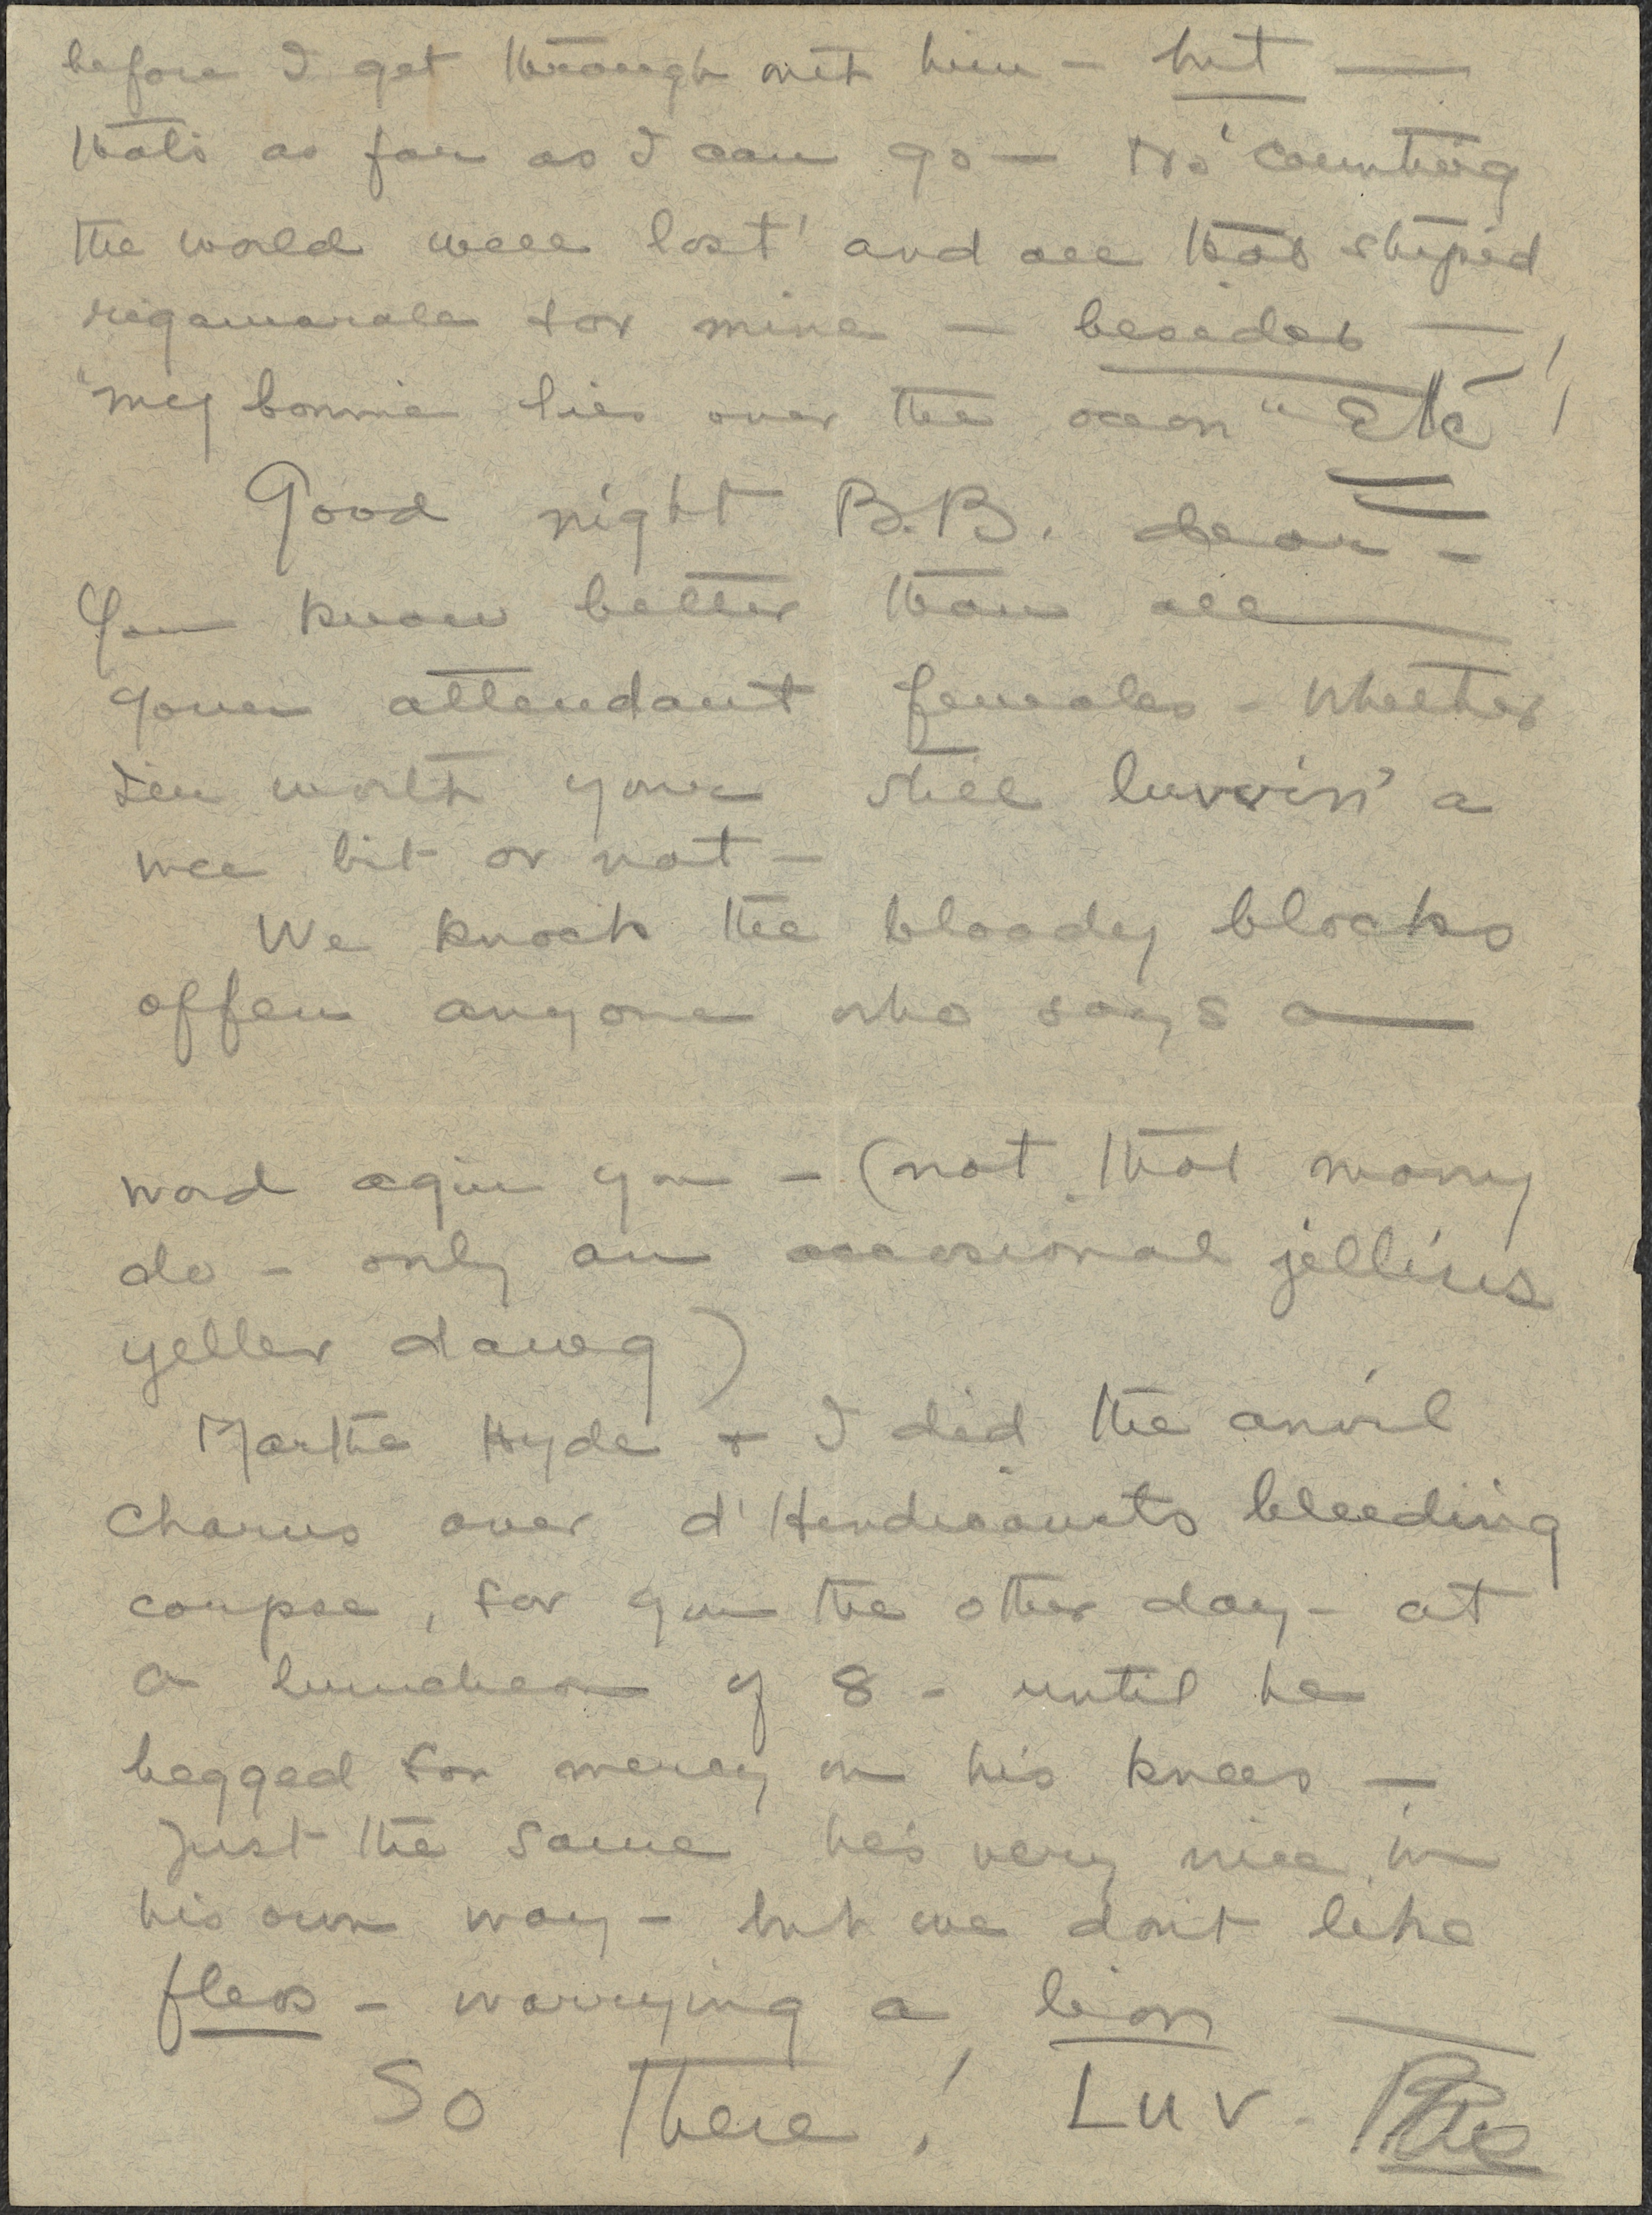before I get through with him – but – that’s as far as I can go – No ‘counting the world well lost’ and all that stupid rigamorale for mine – besides – ‘my bonnie lies over the ocean’ etc!
Good night B.B dear – You know better than all your attendant females – whether I’m worth your still luvvin’ a wee bit or not –
We knock the bloody blocks offer anyone who says a word agin you – (not that many do – only an occasional jellius yeller dawg)
Martha Hyde & I did the anvil chorus over d’Hendicourts bleeding corpse, for you the other day – at a luncheon of 8 – until he begged for mercy on his knees – just the same he’s very nice in his own way – but we don’t like fleas – worrying a lion –
So there!
Luv, Belle